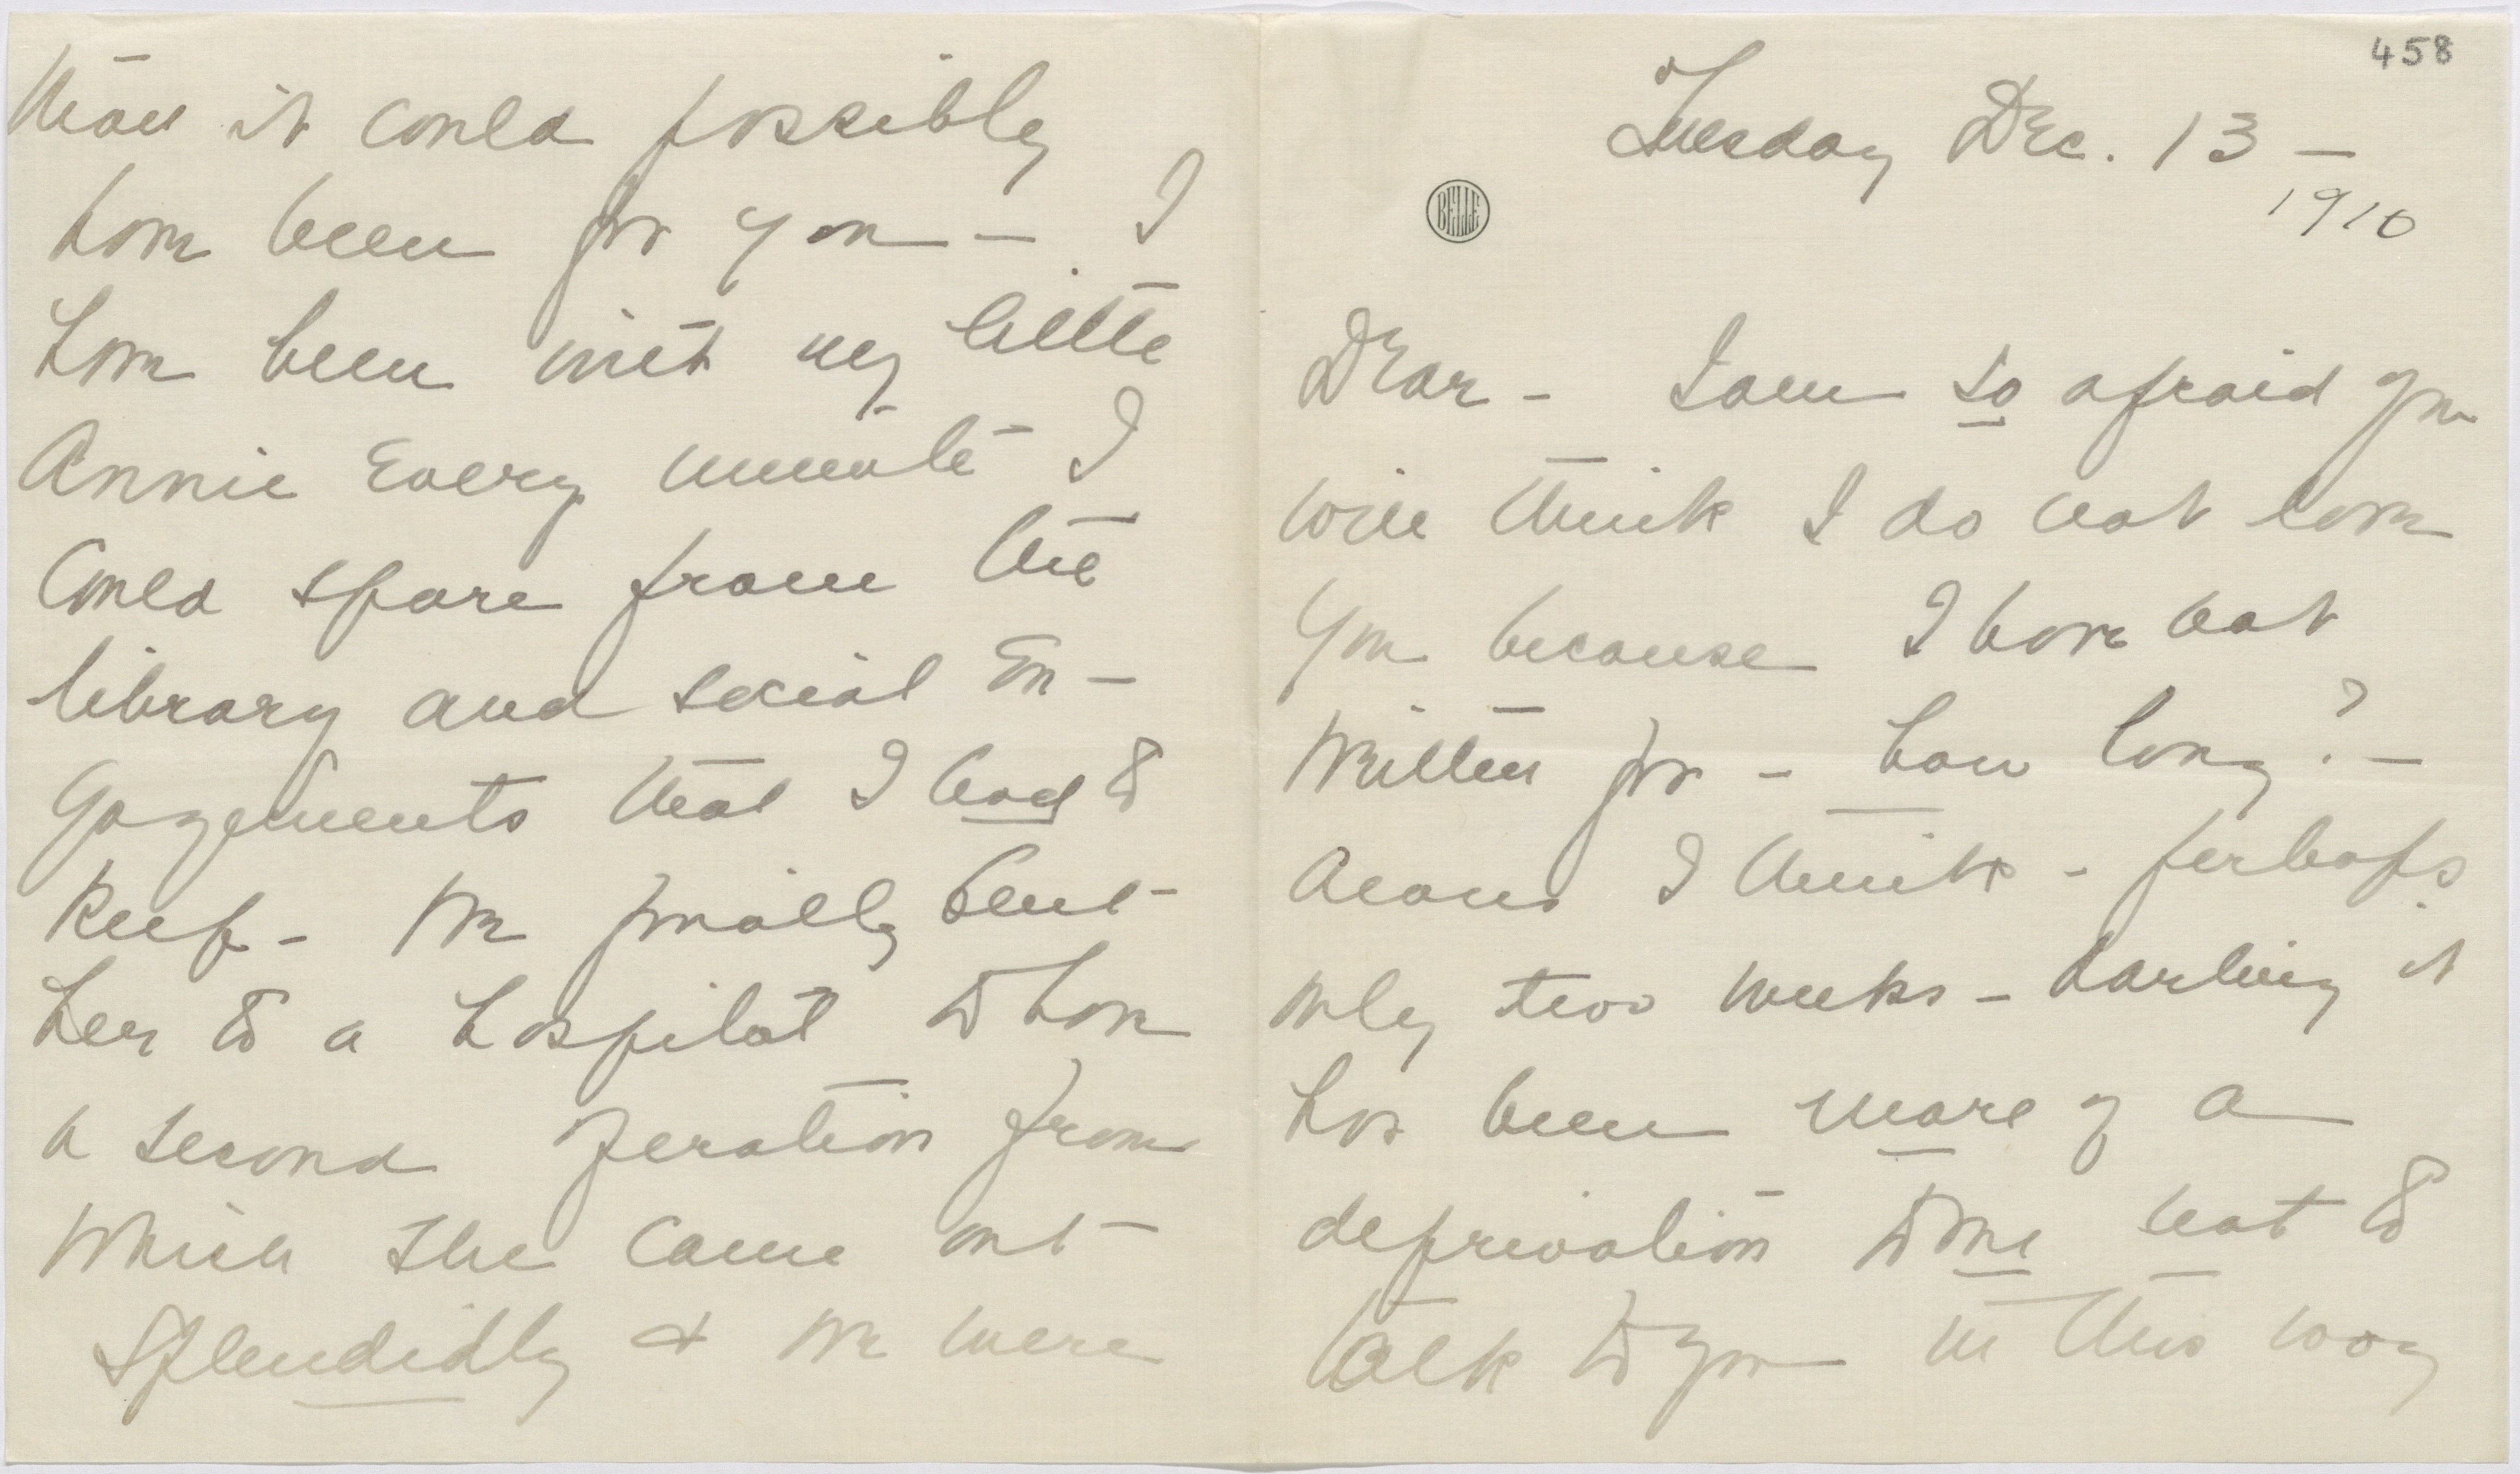Tuesday Dec. 13 –
Dear – I am so afraid you will think I do not love you because I have not written for – how long? – aeons I think – perhaps only two weeks – darling it has been more of a deprivation to me not to talk to you in this way
than it could possibly have been for you – I have been with my little Annie every minute I could spare from the library and social engagements that I had to keep – We finally sent her to a hospital to have a second operation from which she came out splendidly and we were